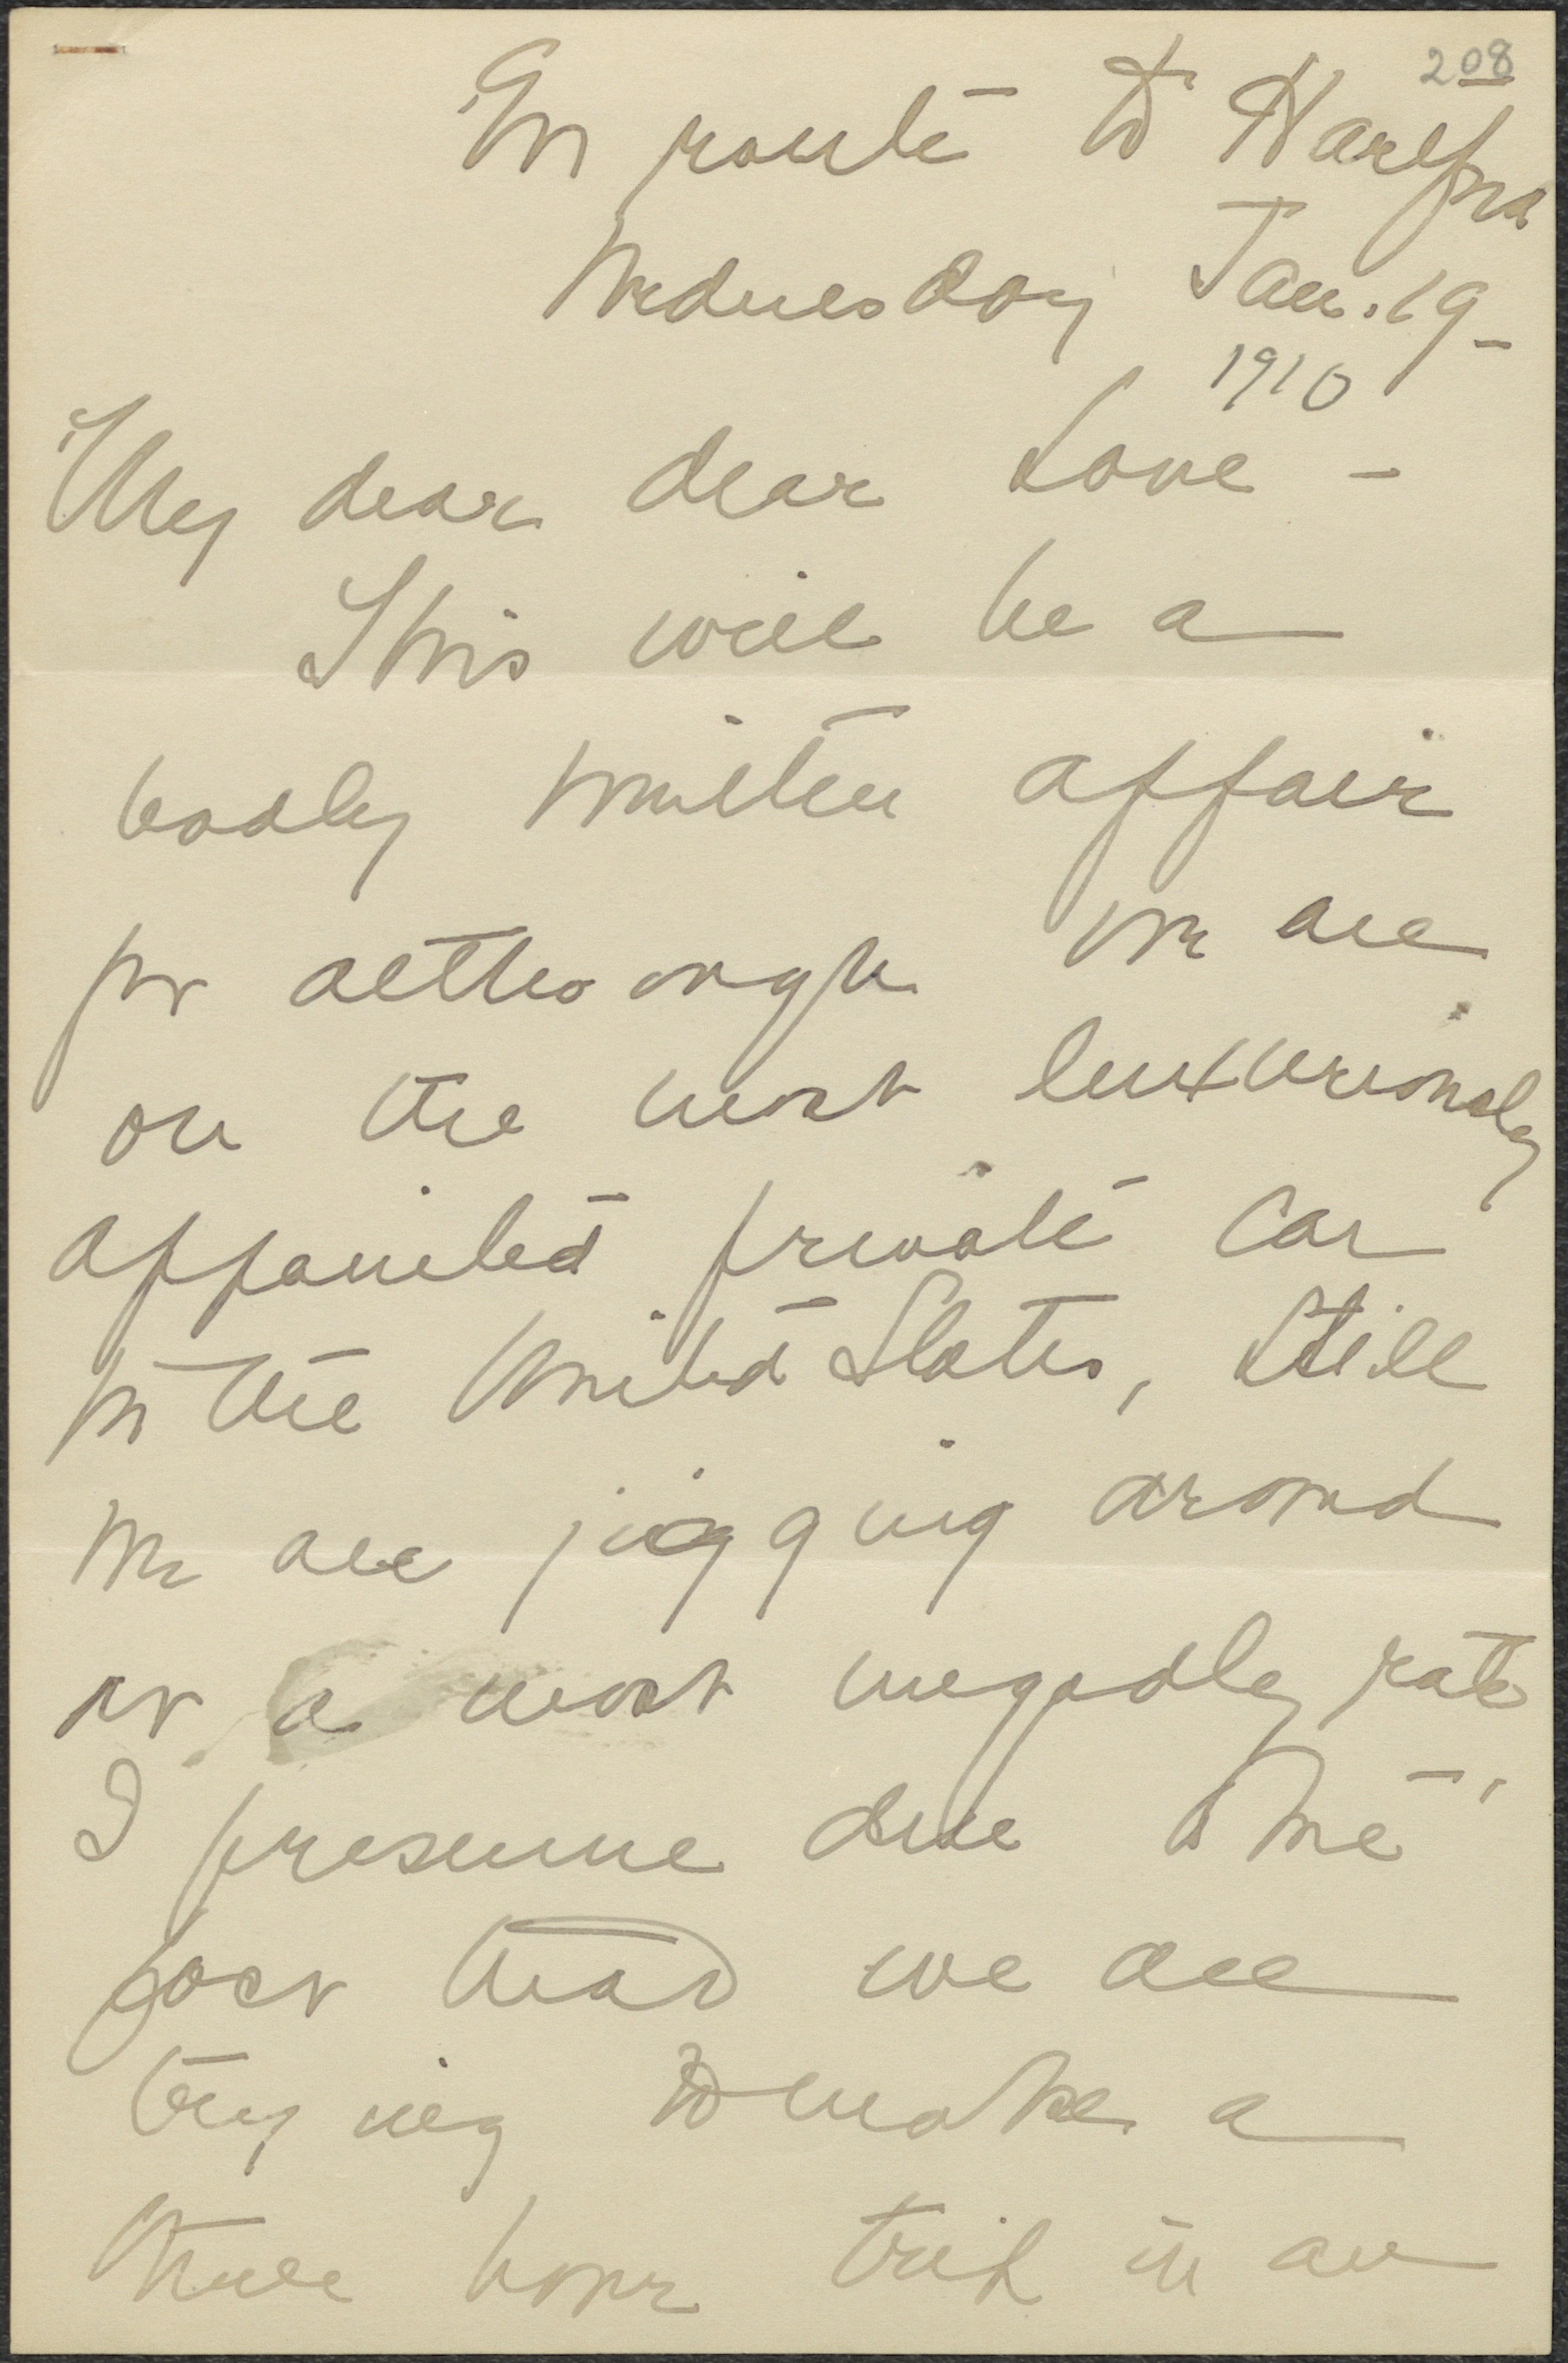En route to Hartford
Wednesday Jan. 19 –
My dear dear Love –
This will be a badly written affair for although we are on the most luxuriously appointed private car in the United States, still we are jigging around at a most ungodly rate I presume due to the fact that we are trying to make a three hour trip in an